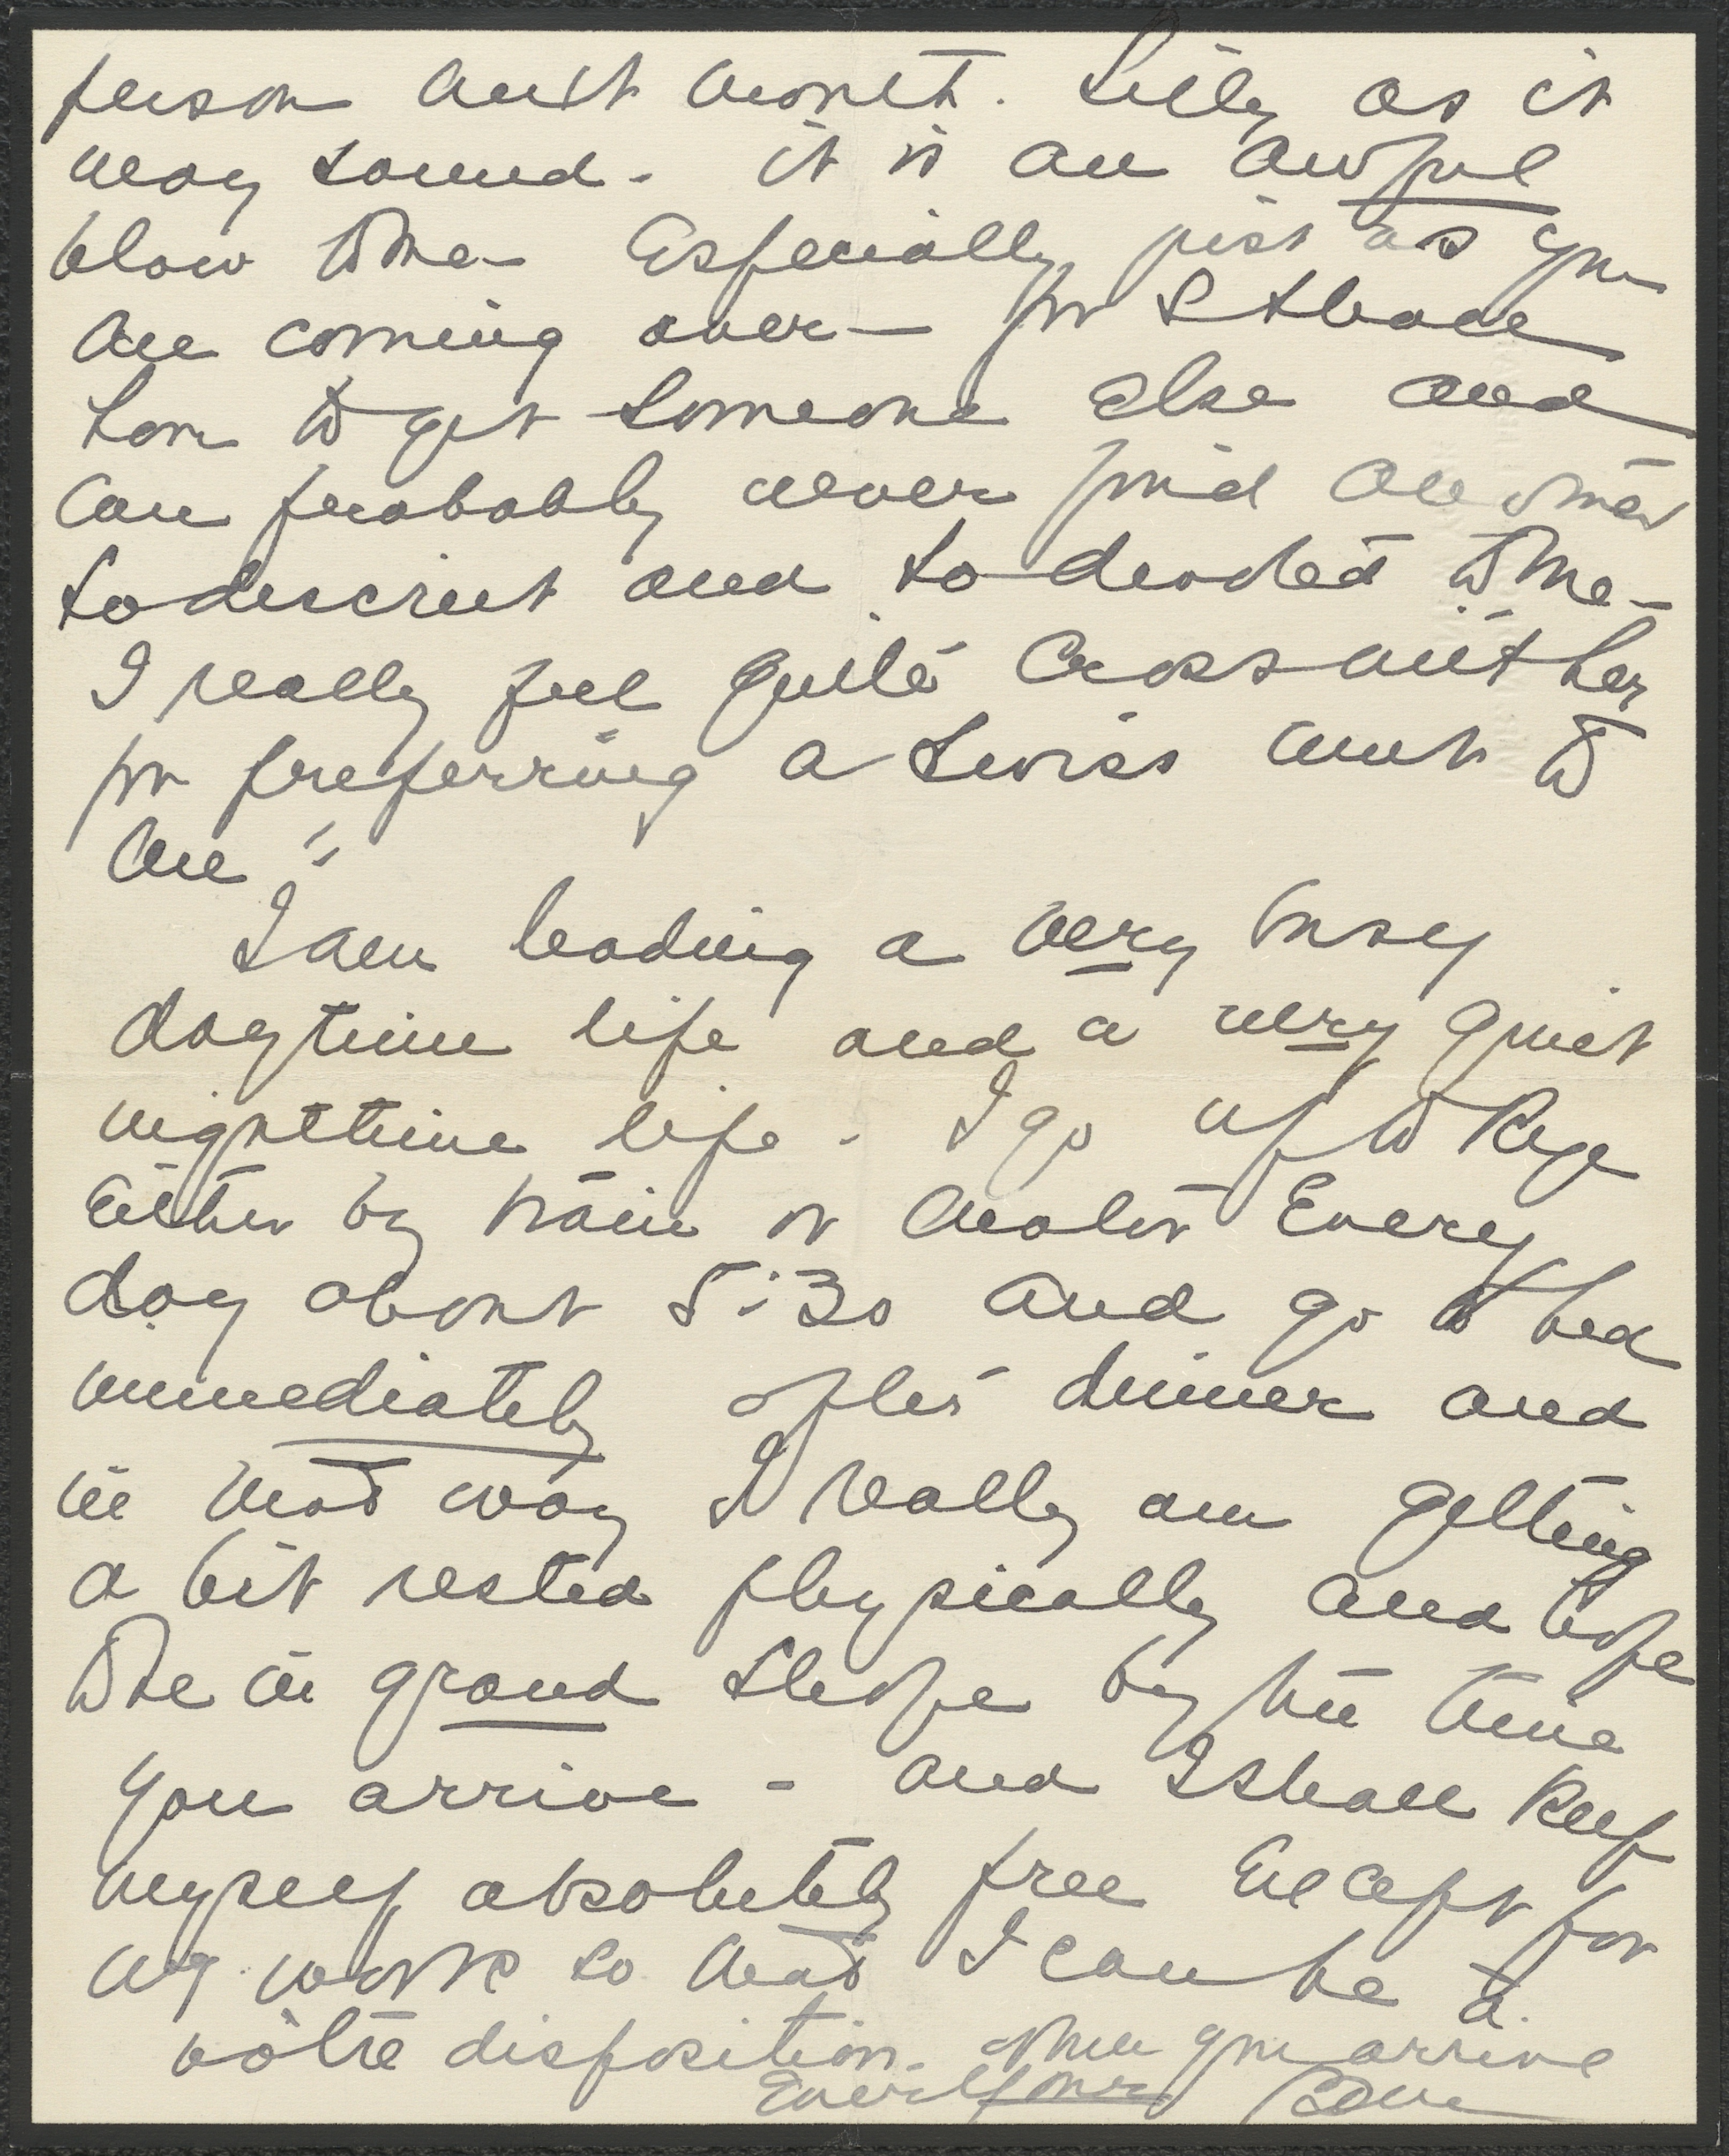person next month. Silly as it may sound, it is an awful blow to me – especially just as you are coming over – but I shall have to get someone else and can probably never find another so discreet and so devoted to me – I really feel quite cross with her for preferring a Swiss aunt to me
I am leading a very busy daytime life and a very quiet nighttime life. I go up to Rye either by train or motor every day about 5:30 and go to bed immediately after dinner and in that way I really am getting a bit rested physically and hope to be in grand shape by the time you arrive – and I shall keep myself absolutely free except for my work so that I can be à vòtre disposition, when you arrive
Ever Your Belle